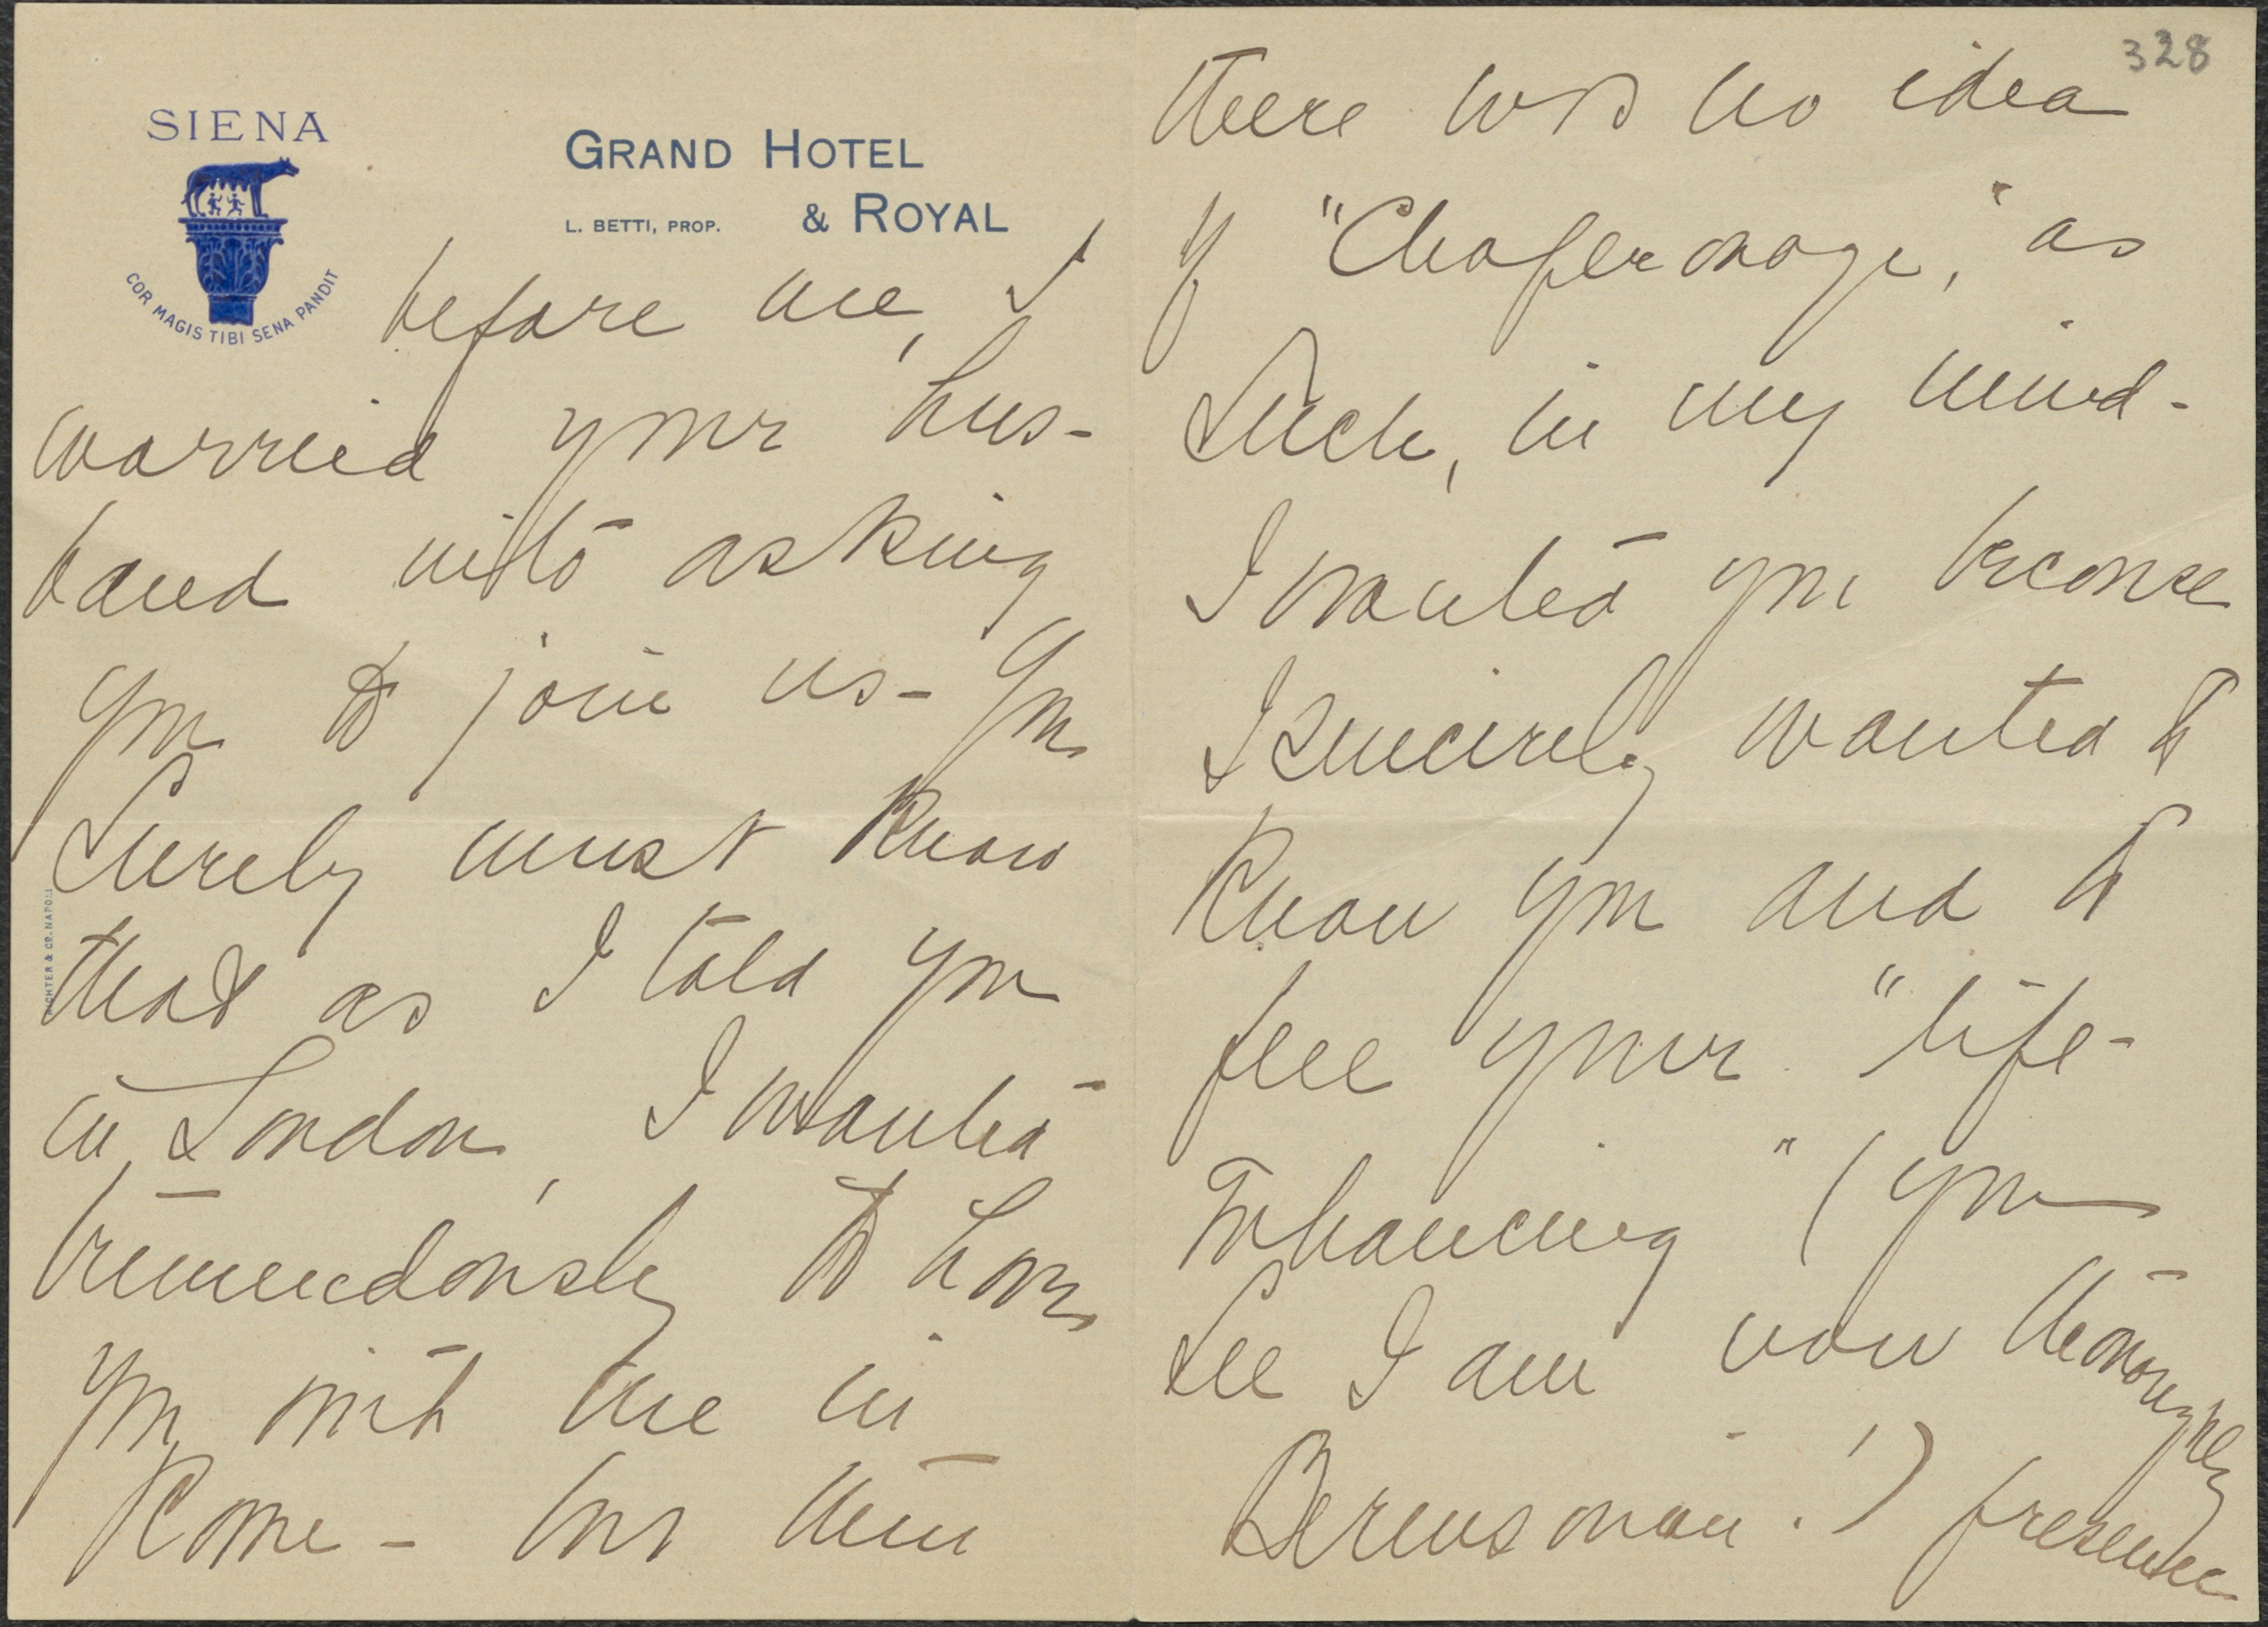before me, I worried your husband into asking you to join us – You surely must know that as I told you in London, I wanted tremendously to have you with me in Rome – but then
there was no idea of “Chaperonage,” as such, in my mind – I wanted you because I sincerely wanted to know you and to feel your “life-enhancing” (you see I am now thoroughly Berensonian!) presence